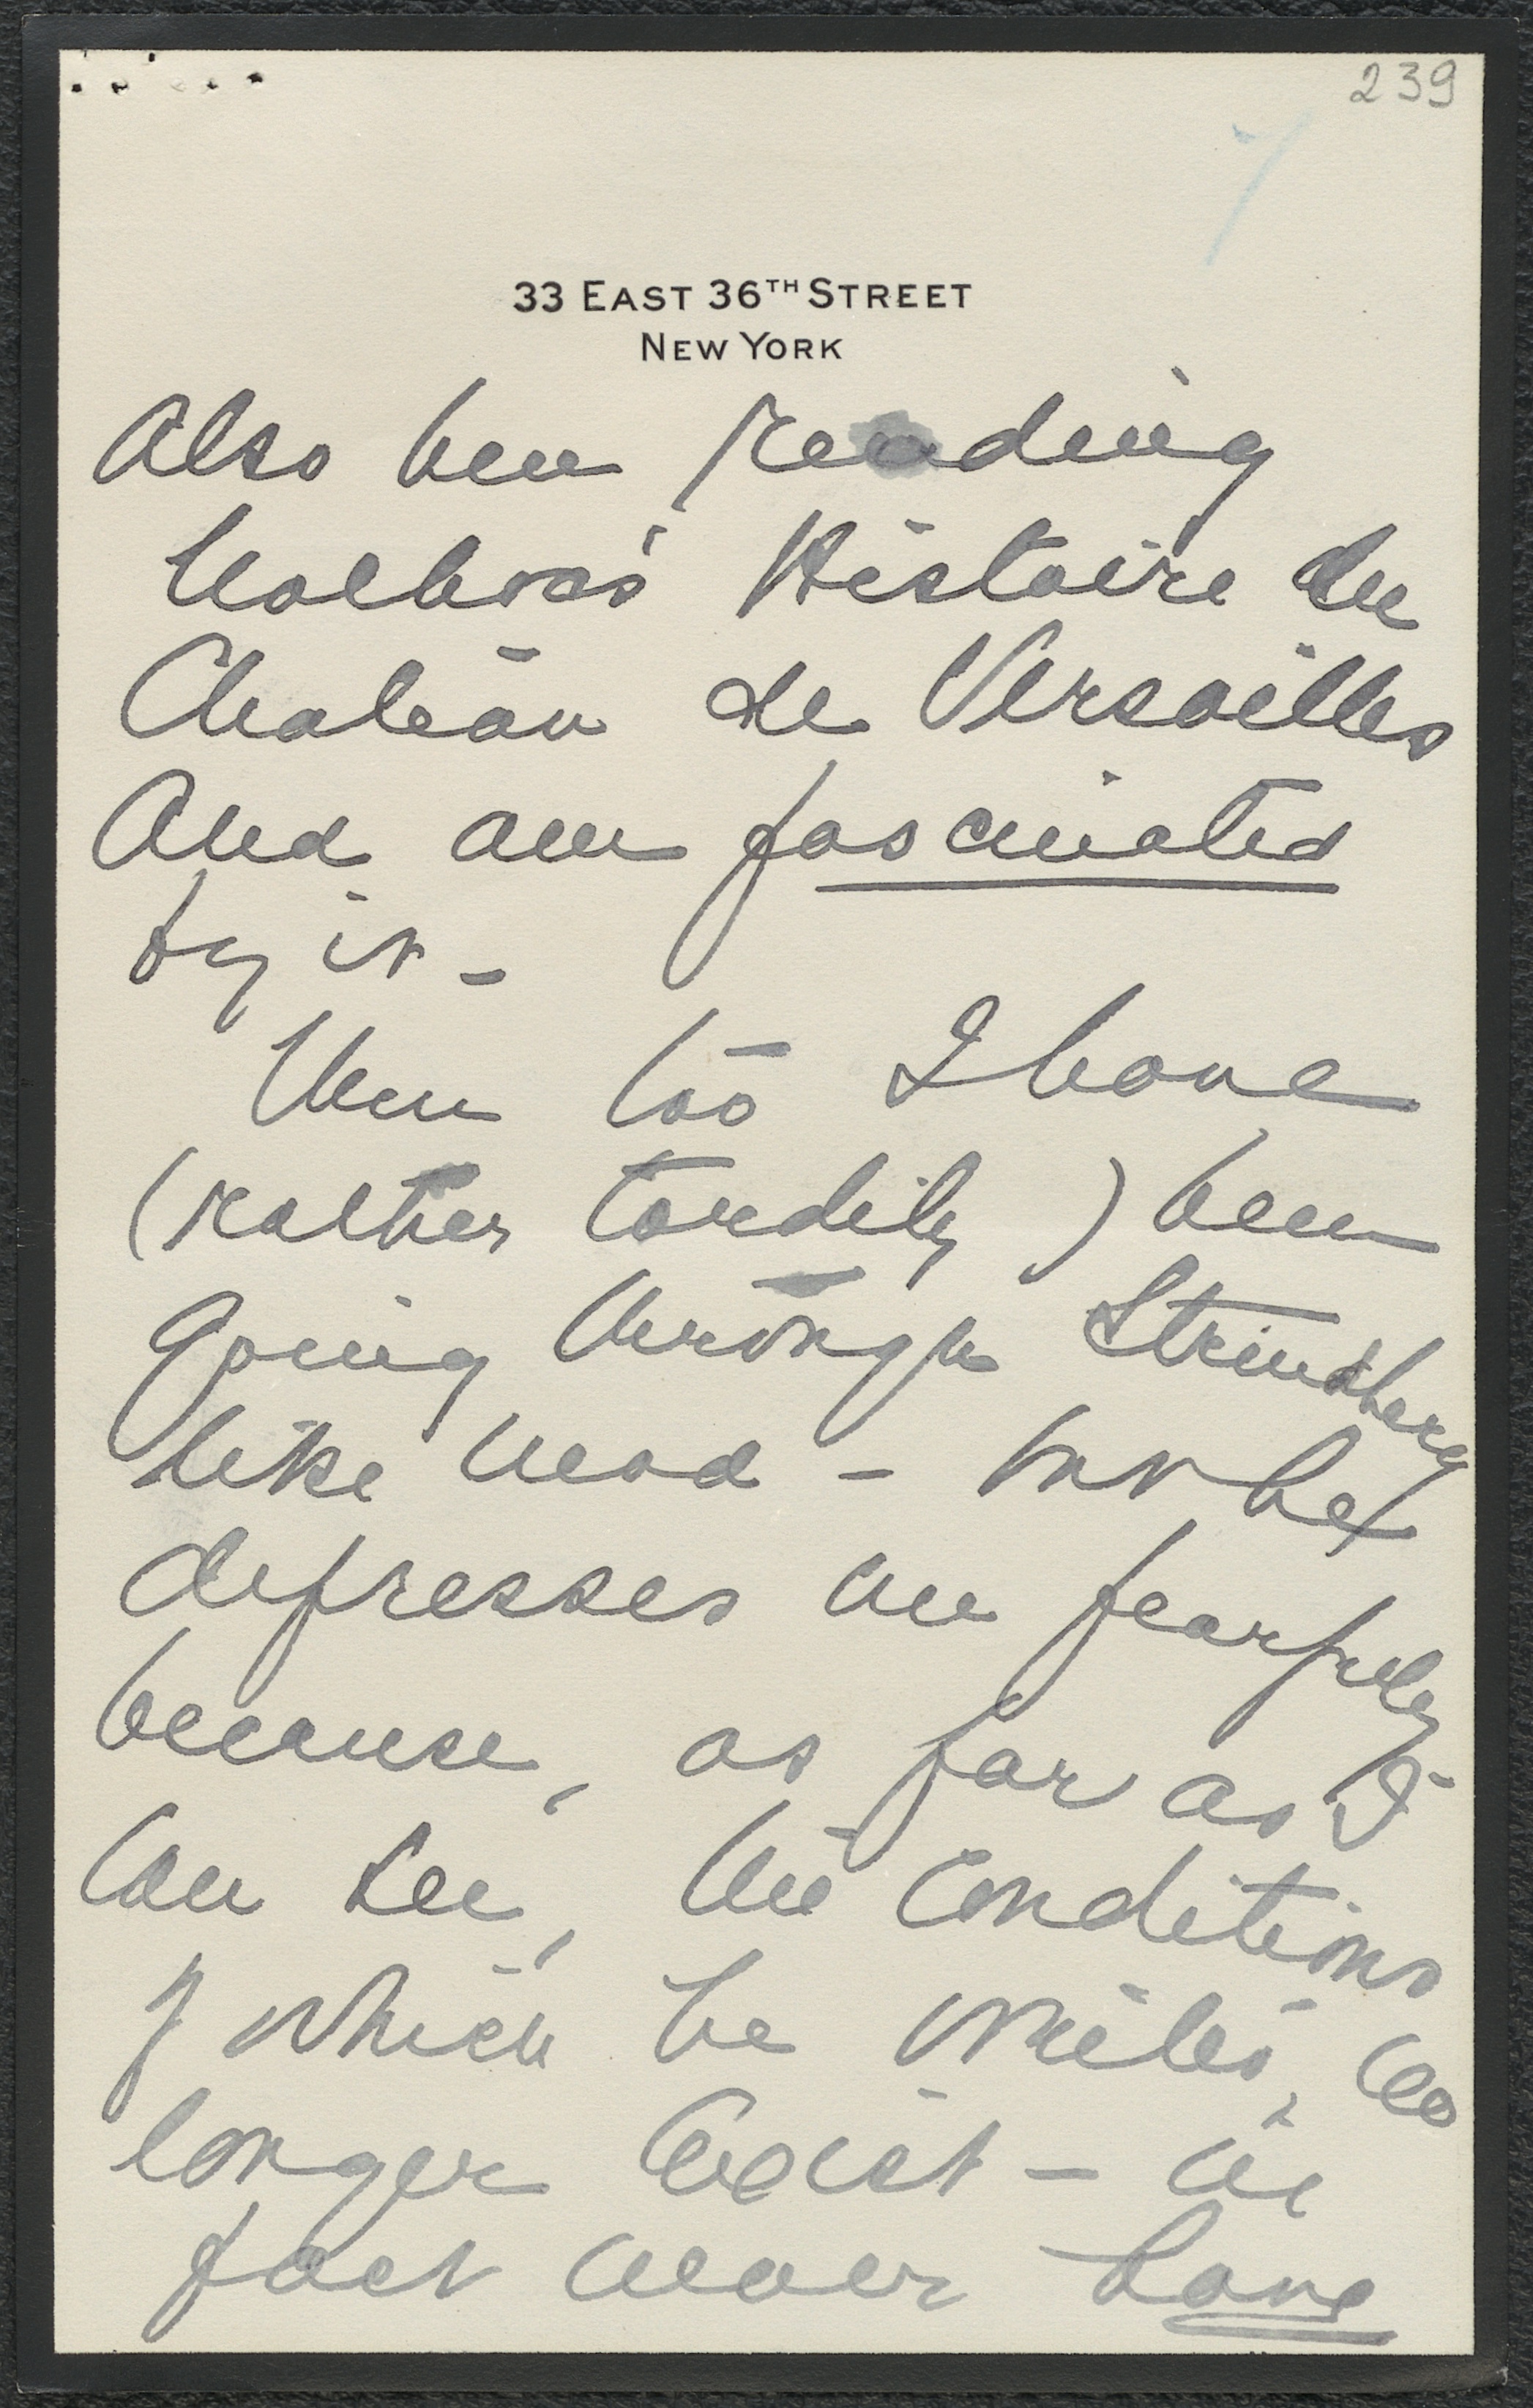also been reading Holbra’s Histoire du Chateau [sic] de Versailles and am fascinated by it –
Then too I have been (rather tardily) been going through Strindberg like mad – but he depresses me fearfully because, as far as I can see, the conditions of which he writes no longer exist – in fact never [double underlined: have]